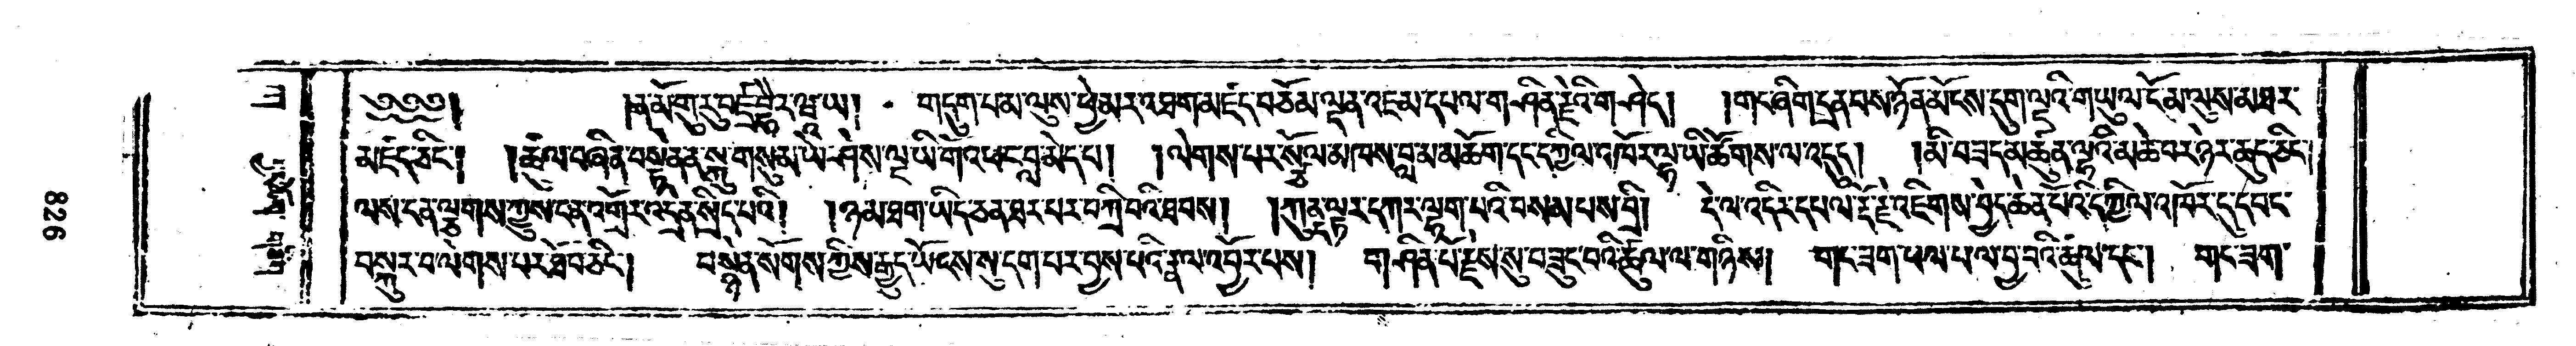༄༅༅། །ན་མོ་གུ་རུ་བྫྲ་བྷཻ་ར་ཝཱ་ཡ། གདུག་པ་མ་ལུས་ཕྱེ་མར་འཐག་མཛད་བཅོམ་ལྡན་འཇམ་དཔལ་གཤིན་རྗེའི་གཤེད། །གང་ཞིག་དྲན་བས་ཉོན་མོངས་དུག་ལྔའི་གཡུལ་ངོ་མ་ལུས་མཐར་
མཛད་ཅིང་། །ཚུལ་བཞིན་བསྟེན་ན་སྐུ་གསུམ་ཡེ་ཤེས་ལྔ་ཡི་གོ་འཕང་བླ་མེད་པ། །ལེགས་པར་སྩོལ་མཁས་བླ་མ་མཆོག་དང་དཀྱིལ་འཁོར་ལྷ་ཡི་ཚོགས་ལ་འདུད། །མི་བཟད་མཚུན་ལྷའི་མཆེ་བར་ཉེར་ཆུད་ཅིང་།
ལས་ངན་ལྕགས་ཀྱུས་ངན་འགྲོར་འདྲེན་སྲིད་པའི། །ཉམ་ཐག་ཡིད་ཅན་ཐར་པར་བཀྲི་བའི་ཐབས། །ཀུནྡ་ལྟར་དཀར་ལྷག་པའི་བསམ་པས་བྲི། དེ་ལ་འདིར་དཔལ་རྡོ་རྗེ་འཇིགས་བྱེད་ཆེན་པོའི་དཀྱིལ་འཁོར་དུ་དབང་
བསྐུར་བ་ལེགས་པར་ཐོབ་ཅིང་། བསྙེན་སོགས་ཀྱིས་རྒྱུད་ཡོངས་སུ་དག་པར་བྱས་པའི་རྣལ་འབྱོར་པས། གཤིན་པོ་རྗེས་སུ་བཟུང་བའི་ཚུལ་ལ་གཉིས། གང་ཟག་ཕལ་པ་ལ་བྱ་བའི་ཚུལ་དང་། གང་ཟག་